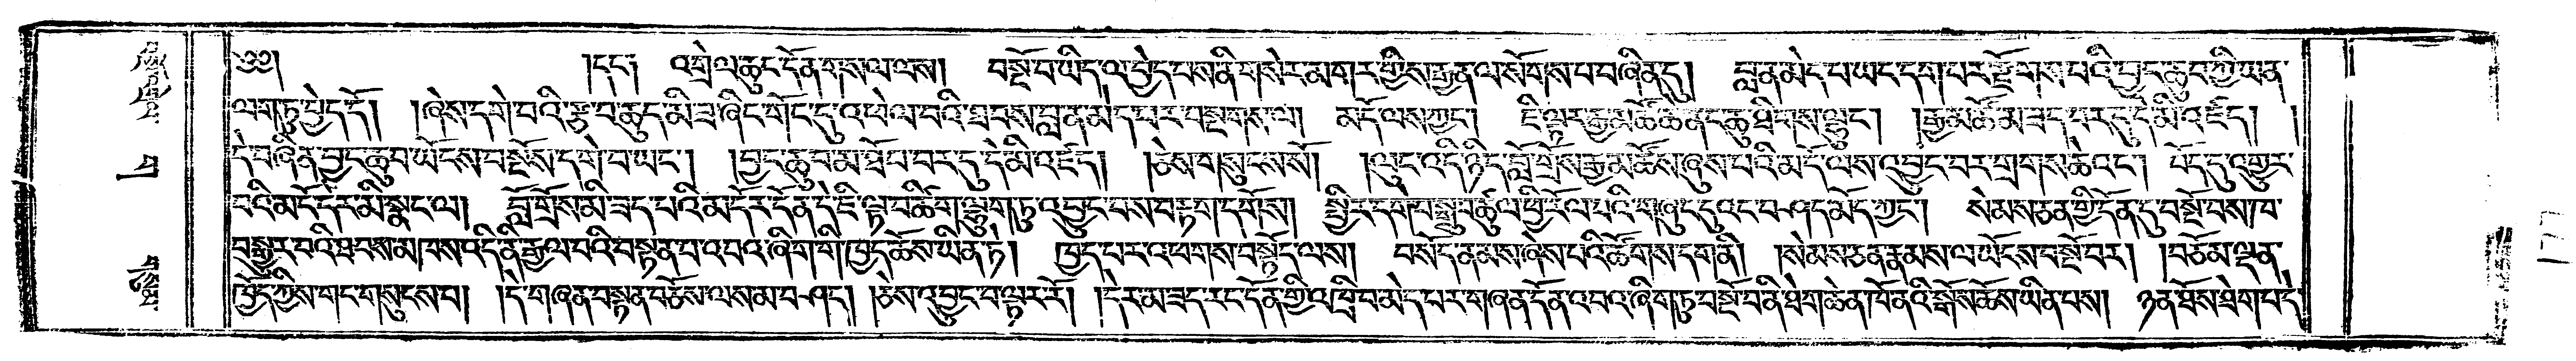༄༅། །དང༑ འགྲེལ་ཆུང་དོན་གསལ་ལས། བསྔོ་བ་ཡིད་ལ་བྱེད་པས་ནི་གསེར་མགར་གྱིས་རྒྱན་ལ་སོགས་པ་བཞིན་དུ། བླ་ན་མེད་པ་ཡང་དག་པར་རྫོགས་པའི་བྱང་ཆུབ་ཀྱི་ཡན་
ལག་ཏུ་བྱེད་དོ། །ཞེས་དགེ་བའི་རྩ་བ་ཆུད་མི་ཟ་ཞིང་གོང་དུ་འཕེལ་བའི་ཐབས་བླ་ན་མེད་པར་བསྔགས་ལ། མདོ་ལས་ཀྱང་། ཇི་ལྟར་རྒྱ་མཚོ་ཆེ་ནང་ཆུ་ཐིགས་ལྷུང་། །རྒྱ་མཚོ་མ་ཟད་བར་དུ་དེ་མི་འཛད། །
དེ་བཞིན་བྱང་ཆུབ་ཡོངས་བསྔོས་དགེ་བ་ཡང་། །བྱང་ཆུབ་མ་ཐོབ་བར་དུ་དེ་མི་འཛད། །ཅེས་གསུངས་སོ། །ལུང་འདི་ཉིད་བློ་གྲོས་རྒྱ་མཚོས་ཞུས་པའི་མདོ་ལས་འབྱུང་བར་གྲགས་ཆེའང་། བོད་དུ་འགྱུར་
བའི་མདོ་དེར་མི་སྣང་ལ། བློ་གྲོས་མི་ཟད་པའི་མདོར་དོན་དེ་ཇི་ལྟ་བ་ཚིག་ལྷུག་ཏུ་འབྱུང་བས་བརྟག་དགོས། སྤྱིར་དགེ་བ་སྒྲུབ་ཚུལ་ཕྱི་རོལ་པའི་གཞུང་དུའང་བཤད་མོད་ཀྱང་། སེམས་ཅན་གྱི་དོན་དུ་བསྔོ་བས་ཁ་
བསྒྱུར་བའི་ཐབས་མཁས་འདི་ནི་རྒྱལ་བའི་བསྟན་པ་འབའ་ཞིག་གི་ཁྱད་ཆོས་ཡིན་ཏེ། ཁྱད་པར་འཕགས་བསྟོད་ལས། བསོད་ནམས་ཞེས་པའི་ཚོགས་དག་ནི། །སེམས་ཅན་རྣམས་ལ་ཡོངས་བསྔོ་བར། །བཅོམ་ལྡན་
ཁྱོད་ཀྱིས་གང་གསུངས་པ། །དེ་གཞན་བསྟན་བཅོས་ལས་མ་བཤད། །ཅེས་འབྱུང་བ་ལྟར་རོ། །དེར་མ་ཟད་རང་དོན་གྱི་འཁྲི་བ་མེད་པར་གཞན་དོན་འབའ་ཞིག་ཏུ་བསྔོ་བ་ནི་ཐེག་ཆེན་ཁོ་ནའི་སྒོས་ཆོས་ཡིན་པས། ཉན་ཐོས་ཐེག་པ་དེ་